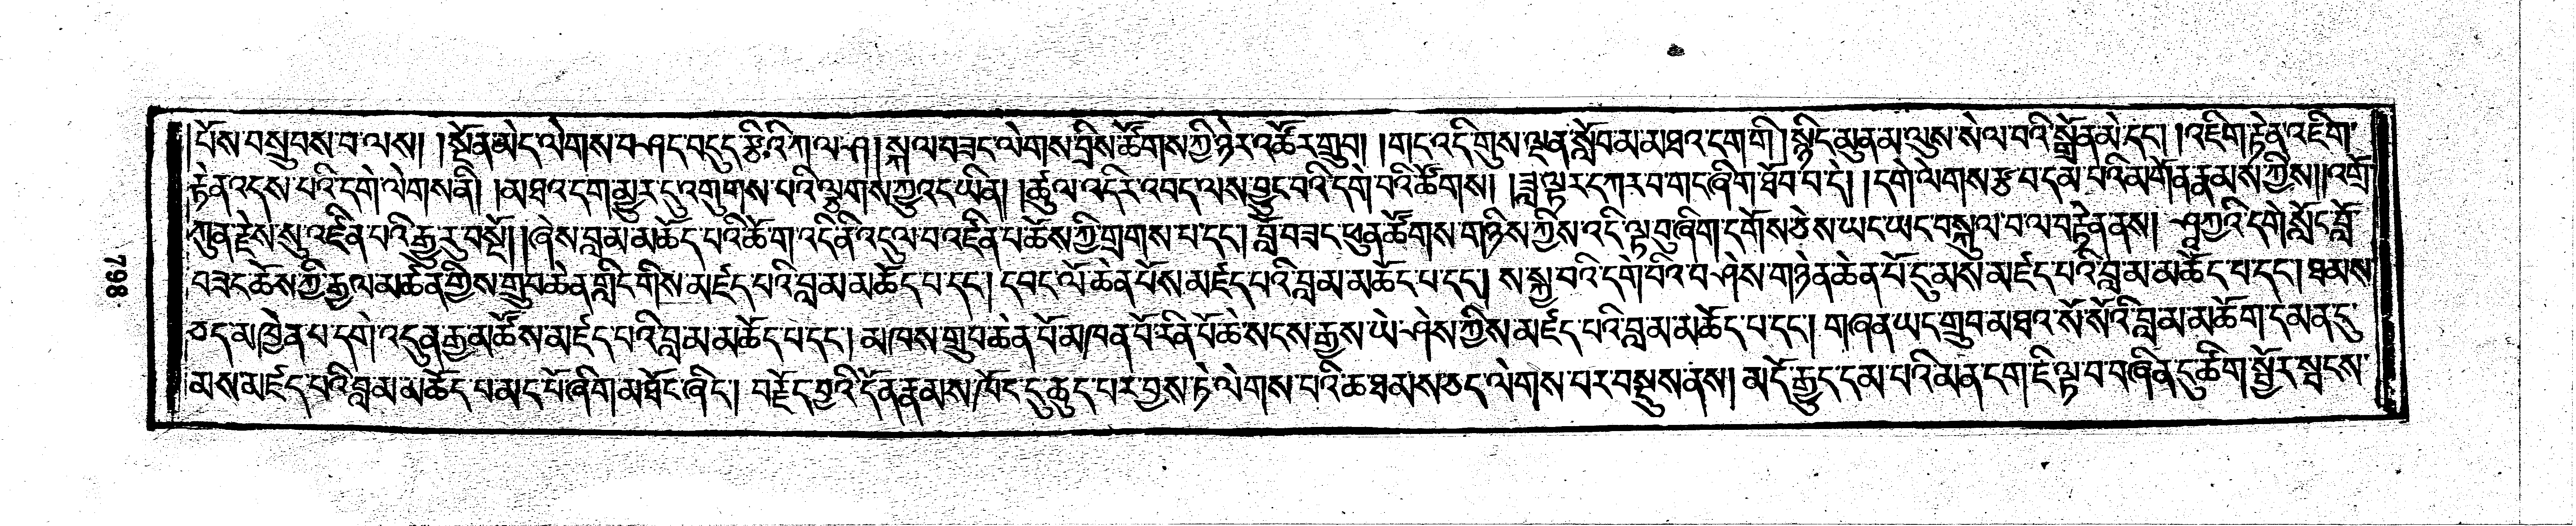པོས་བསྲུབས་པ་ལས། །སྔོན་མེད་ལེགས་བཤད་བདུད་རྩིའི་ཀེ་ལ་ཤ། སྐལ་བཟང་ལེགས་བྲིས་ཚོགས་ཀྱི་ཉེར་འཚོར་གྲུབ། །གང་འདི་གུས་ལྡན་སློབ་མ་མཐའ་དག་གི །སྙིང་མུན་མ་ལུས་སེལ་བའི་སྒྲོན་མེ་དང་། །འཇིག་རྟེན་འཇིག་
རྟེན་འདས་པའི་དགེ་ལེགས་ནི། །མཐའ་དག་མྱུར་དུ་འགུགས་པའི་ལྕགས་ཀྱུའང་ཡིན། །ཚུལ་འདིར་འབད་ལས་བྱུང་བའི་དགེ་བའི་ཚོགས། །ཟླ་ལྟར་དཀར་བ་གང་ཞིག་ཐོབ་པ་དེ། །དགེ་ལེགས་རྩ་བ་དམ་པའི་མགོན་རྣམས་ཀྱིས། །འགྲོ་
ཀུན་རྗེས་སུ་འཛིན་པའི་རྒྱུ་རུ་བསྔོ། །ཞེས་བླ་མ་མཆོད་པའི་ཆོ་ག་འདི་ནི་འདུལ་བ་འཛིན་པ་ཆོས་ཀྱི་གྲགས་པ་དང་། བློ་བཟང་ཕུན་ཚོགས་གཉིས་ཀྱིས་འདི་ལྟ་བུ་ཞིག་དགོས་ཅེས་ཡང་ཡང་བསྐུལ་བ་ལ་བརྟེན་ནས། ཤཱཀྱའི་དགེ་སློང་བློ་
བཟང་ཆོས་ཀྱི་རྒྱལ་མཚན་གྱིས་གྲུབ་ཆེན་གླིང་གིས་མཛད་པའི་བླ་མ་མཆོད་པ་དང་། དཔང་ལོ་ཆེན་པོས་མཛད་པའི་བླ་མ་མཆོད་པ་དང་། ས་སྐྱ་བའི་དགེ་བའི་བཤེས་གཉེན་ཆེན་པོ་དུ་མས་མཛད་པའི་བླ་མ་མཆོད་པ་དང་། ཐམས་
ཅད་མཁྱེན་པ་དགེ་འདུན་རྒྱ་མཚོས་མཛད་པའི་བླ་མ་མཆོད་པ་དང་། མཁས་གྲུབ་ཆེན་པོ་མཁན་པོ་རིན་པོ་ཆེ་སངས་རྒྱས་ཡེ་ཤེས་ཀྱིས་མཛད་པའི་བླ་མ་མཆོད་པ་དང་། གཞན་ཡང་གྲུབ་མཐའ་སོ་སོའི་བླ་མ་མཆོག་དམན་དུ་
མས་མཛད་པའི་བླ་མ་མཆོད་པ་མང་པོ་ཞིག་མཐོང་ཞིང་། བརྗོད་བྱའི་དོན་རྣམས་ཁོང་དུ་ཆུད་པར་བྱས་ཏེ་ལེགས་པའི་ཆ་ཐམས་ཅད་ལེགས་པར་བསྡུས་ནས། མདོ་རྒྱུད་དམ་པའི་མན་ངག་ཇི་ལྟ་བ་བཞིན་དུ་ཚིག་སྦྱོར་སྤངས་